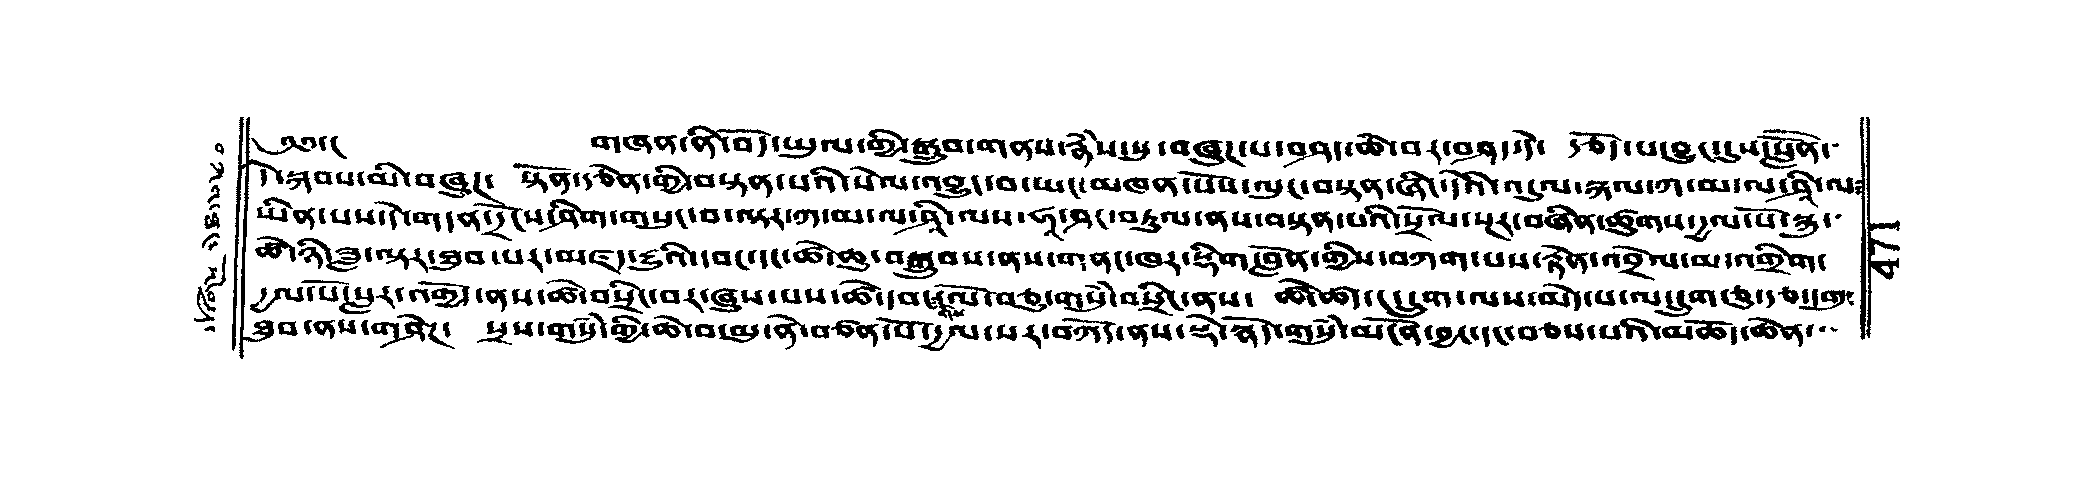གཞན་ནི་བོད་ཡུལ་གྱི་སྒྲུབ་གནས་རྣམས་སུ་བཞུགས་པ་ཤས་ཆེ་བར་བཤད་དེ། རྩོད་པ་བྱུང་དུས་སློབ་དཔོན་
དེ་སྐབས་མི་བཞུགས། སྟོན་རྩེན་གྱི་བསྟན་པའི་སེལ་འབྱུང་བ་ཡང་མཁན་པོས་ལུང་བསྟན་ཞིང་དེའི་འདུལ་སྐལ་ཀ་མ་ལ་ཤཱི་ལ་
ཡིན་པས་དེ་གདན་དྲོངས་ཤིག་གསུངས་བ་ལྟར་ཀ་མ་ལ་ཤཱི་ལས་ཧཱ་ཤང་བཏུལ་ནས་བསྟན་པའི་སྲོལ་སྔར་བཞིན་ཚུགས། རྒྱལ་པོ་སྐུ་
ཚེ་ཉི་ཟླ་ལྟར་ཐུབ་པར་མཛད་རྒྱུའི་དབང་དང་ཚེ་ཆུ་བསྒྲུབས་ནས་གནང་ཁར་སྡིག་བློན་གྱིས་བཀག་པས་རྟེན་འབྲེལ་མ་འགྲིག 
རྒྱལ་པོ་སླར་འགྱོད་ནས་ཚེ་བསྲིང་བར་ཞུས་པས་ཚེ་དབང་གིས་ལོ་བཅུ་གསུམ་བསྲིངས་ནས།ཚེ་ཚད་ང་དྲུག་ལས་མེད་པ་ལ་དྲུག་ཅུ་རྩ་དགུ་
ཐུབ་ནས་གཤེགས། སྲས་གསུམ་གྱི་ཆེ་བ་མུ་ནེ་བཙན་པོ་རྒྱལ་སར་བཀོད་ནས་སྡེ་སྣོད་གསུམ་མངོན་བྱང་དང་བཅས་པའི་མཆོད་ཆེན་